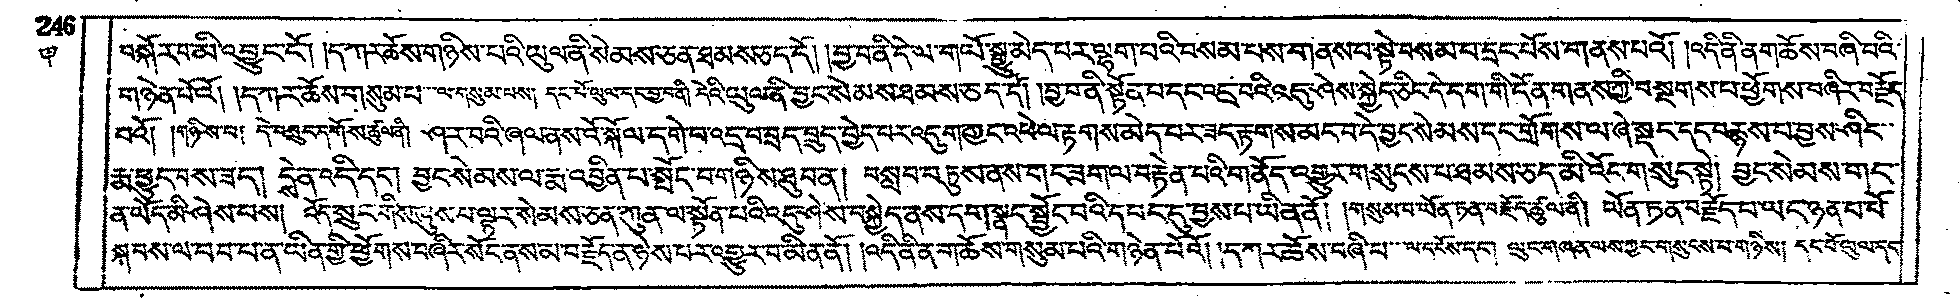བསྐོར་བ་མི་འབྱུང་ངོ། །དཀར་ཆོས་གཉིས་པའི་ཡུལ་ནི་སེམས་ཅན་ཐམས་ཅད་དོ། །བྱ་བ་ནི་དེ་ལ་གཡོ་སྒྱུ་མེད་པར་ལྷག་པའི་བསམ་པས་གནས་པ་སྟེ་བསམ་པ་དྲང་པོས་གནས་པའོ། །འདི་ནི་ནག་ཆོས་བཞི་པའི་
གཉེན་པོའོ། །དཀར་ཆོས་གསུམ་པལ་གསུམ་ལས། དང་པོ་ཡུལ་དང་བྱ་བ་ནི།  དེའི་ཡུལ་ནི་བྱང་སེམས་ཐམས་ཅད་དོ། །བྱ་བ་ནི་སྟོན་པ་དང་འདྲ་བའི་འདུ་ཤེས་སྐྱེད་ཅིང་དེ་དག་གི་དོན་གནས་ཀྱི་བསྔགས་པ་ཕྱོགས་བཞིར་བརྗོད་
པའོ། །གཉིས་པ། དེ་བསྲུང་དགོས་ཚུལ་ནི།  ཤ་ར་བའི་ཞལ་ནས་འོ་སྐོལ་དགེ་བ་འདྲ་བ་བྲད་བྲུད་བྱེད་པར་འདུག་ཀྱང་འཕེལ་རྟགས་མེད་པར་ཟད་རྟགས་མང་བ་དེ་བྱང་སེམས་དང་གྲོགས་ལ་ཞེ་སྡང་དང་བརྙས་པ་བྱས་ཤིང་
རྨ་ཕྱུང་བས་ཟད། དེས་ན་འདི་དང་། བྱང་སེམས་ལ་རྨ་འབྱིན་པ་སྤོང་བ་གཉིས་ཐུབ་ན། བསླབ་བཏུས་ནས་གང་ཟག་ལ་བརྟེན་པའི་གནོད་འགྱུར་གསུངས་པ་ཐམས་ཅད་མི་འོང་གསུང་སྟེ། བྱང་སེམས་གང་
ན་ཡོད་མི་ཤེས་པས། འོད་སྲུང་གིས་ཞུས་པ་ལྟར་སེམས་ཅན་ཀུན་ལ་སྟོན་པའི་འདུ་ཤེས་བསྐྱེད་ནས་དག་སྣང་སྦྱོང་བའི་དབང་དུ་བྱས་པ་ཡིན་ནོ། །གསུམ་པ་ཡོན་ཏན་བརྗོད་ཚུལ་ནི།  ཡོན་ཏན་བརྗོད་པ་ཡང་ཉན་པ་པོ་
སྐབས་ལ་བབ་པ་ན་ཡིན་གྱི་ཕྱོགས་བཞིར་སོང་ནས་མ་བརྗོད་ན་ཉེས་པར་འགྱུར་བ་མིན་ནོ། །འདི་ནི་ནག་ཆོས་གསུམ་པའི་གཉེན་པོའོ། །དཀར་ཆོས་བཞི་པལ་དངོས་དང་། ལུང་གཞན་ལས་ཀྱང་གསུངས་པ་གཉིས། དང་པོ་ཡུལ་དང་